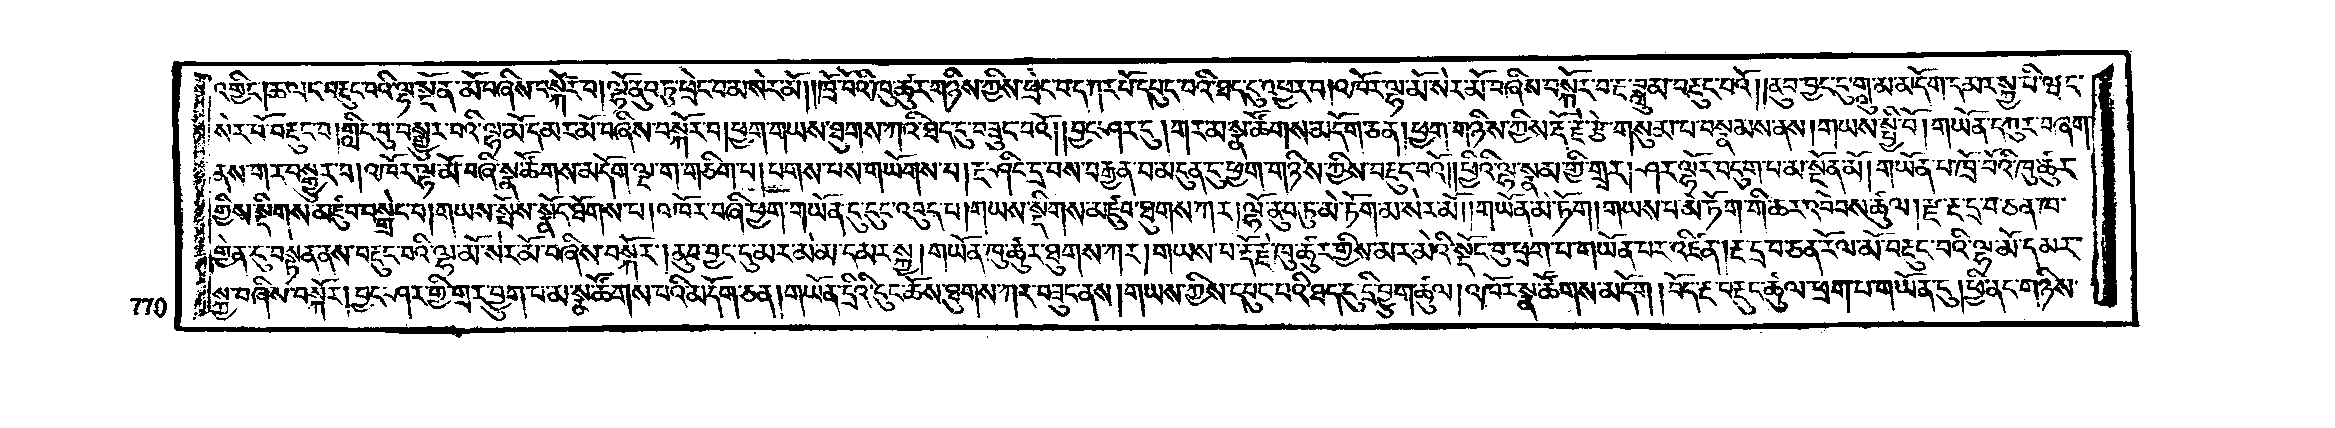འགྱིང་། ཆ་ལང་བརྡུང་བའི་ལྷ་སྔོན་མོ་བཞིས་བསྐོར་བ། ལྷོ་ནུབ་ཏུ་ཕྲེང་བ་མ་སེར་མོ། །ཁྲོ་བོའི་ཁུ་ཆུར་གཉིས་ཀྱིས་ཕྲེང་བ་དཀར་པོ་དབུང་པའི་ཐད་དུ་འཕྱར་བ། འཁོར་ལྷ་མོ་སེར་མོ་བཞིས་བསྐོར་བ་རྔ་ཟླུམ་བརྡུང་བའོ། །ནུབ་བྱང་དུ་གླུ་མ་མདོག་དམར་སྐྱ་པི་ཝང་
སེར་པོ་བརྡུང་བ། གླིང་བུ་བསྒྱུར་བའི་ལྷ་མོ་དམར་མོ་བཞིས་བསྐོར་བ། ཕྱག་གཡས་ཐུགས་ཀའི་ཐད་དུ་བཟུང་བའོ། །བྱང་ཤར་དུ། གར་མ་སྣ་ཚོགས་མདོག་ཅན། ཕྱག་གཉིས་ཀྱིས་རྡོ་རྗེ་རྩེ་གསུམ་པ་བསྣམས་ནས། གཡས་སྤྱི་བོ། གཡོན་དཀུར་བཞག་
ནས་གར་བསྒྱུར་བ། འཁོར་ལྷ་མོ་བཞི་སྣ་ཚོགས་མདག་ལྔ་ག་གཅིག་པ། པགས་པས་གཡོགས་པ། རྔ་ཤིང་དྲ་བས་བརྒྱན་བ་མདུན་དུ་ཕྱག་གཉིས་ཀྱིས་བརྡུད་བའོ། །ཕྱིའི་ལྷ་སྣམ་གྱི་གྲྭར། ཤར་ལྷོར་བདུག་པ་མ་སྔོན་མོ། གཡོན་པ་ཁྲོ་བོའི་ཁུ་ཚུར་
གྱིས་སྡིགས་མཛུབ་བསྒྲེང་བ། གཡས་སྤོས་སྣོད་ཐོགས་པ། འཁོར་བཞི་ཕྱག་གཡོན་དུ་དུང་འབུད་པ། གཡས་སྡིགས་མཛུབ་ཐུགས་ཀར། ལྷོ་ནུབ་ཏུ་མེ་ཏོག་མ་སེར་མོ། །གཡོན་མེ་ཏོག །གཡས་པ་མེ་ཏོག་གི་ཆར་འབེབས་ཚུལ། རྫ་རྔ་དྲ་བ་ཅན་ཁ་
གྱེན་དུ་བསྟན་ནས་བརྡུང་བའི་ལྷ་མོ་སེར་མོ་བཞིས་བསྐོར། ནུབ་བྱང་དུ་མར་མེ་མ་དམར་སྐྱ། གཡོན་ཁུ་ཚུར་ཐུགས་ཀར། གཡས་པ་རྡོ་རྗེ་ཁུ་ཚུར་གྱིས་མར་མེའི་སྡོང་བུ་ཕྲག་པ་གཡོན་པར་འཛིན། རྔ་དྲ་བ་ཅན་རོལ་མོ་བརྡུང་བའི་ལྷ་མོ་དམར་
སྐྱ་བཞིས་བསྐོར། བྱང་ཤར་གྱི་གྲྭར་བྱུག་པ་མ་སྣ་ཚོགས་པའི་མདོག་ཅན། གཡོན་དྲིའི་དུང་ཆོས་ཐུགས་ཀར་བཟུང་ནས། གཡས་ཀྱིས་དཔུང་པའི་ཐད་དུ་དྲི་བྱུག་ཚུལ། འཁོར་སྣ་ཚེགས་མདོག །བོད་རྔ་བརྡུང་ཚུལ་ཕྲག་པ་གཡོན་དུ། ཕྱི་ནང་གཉིས་